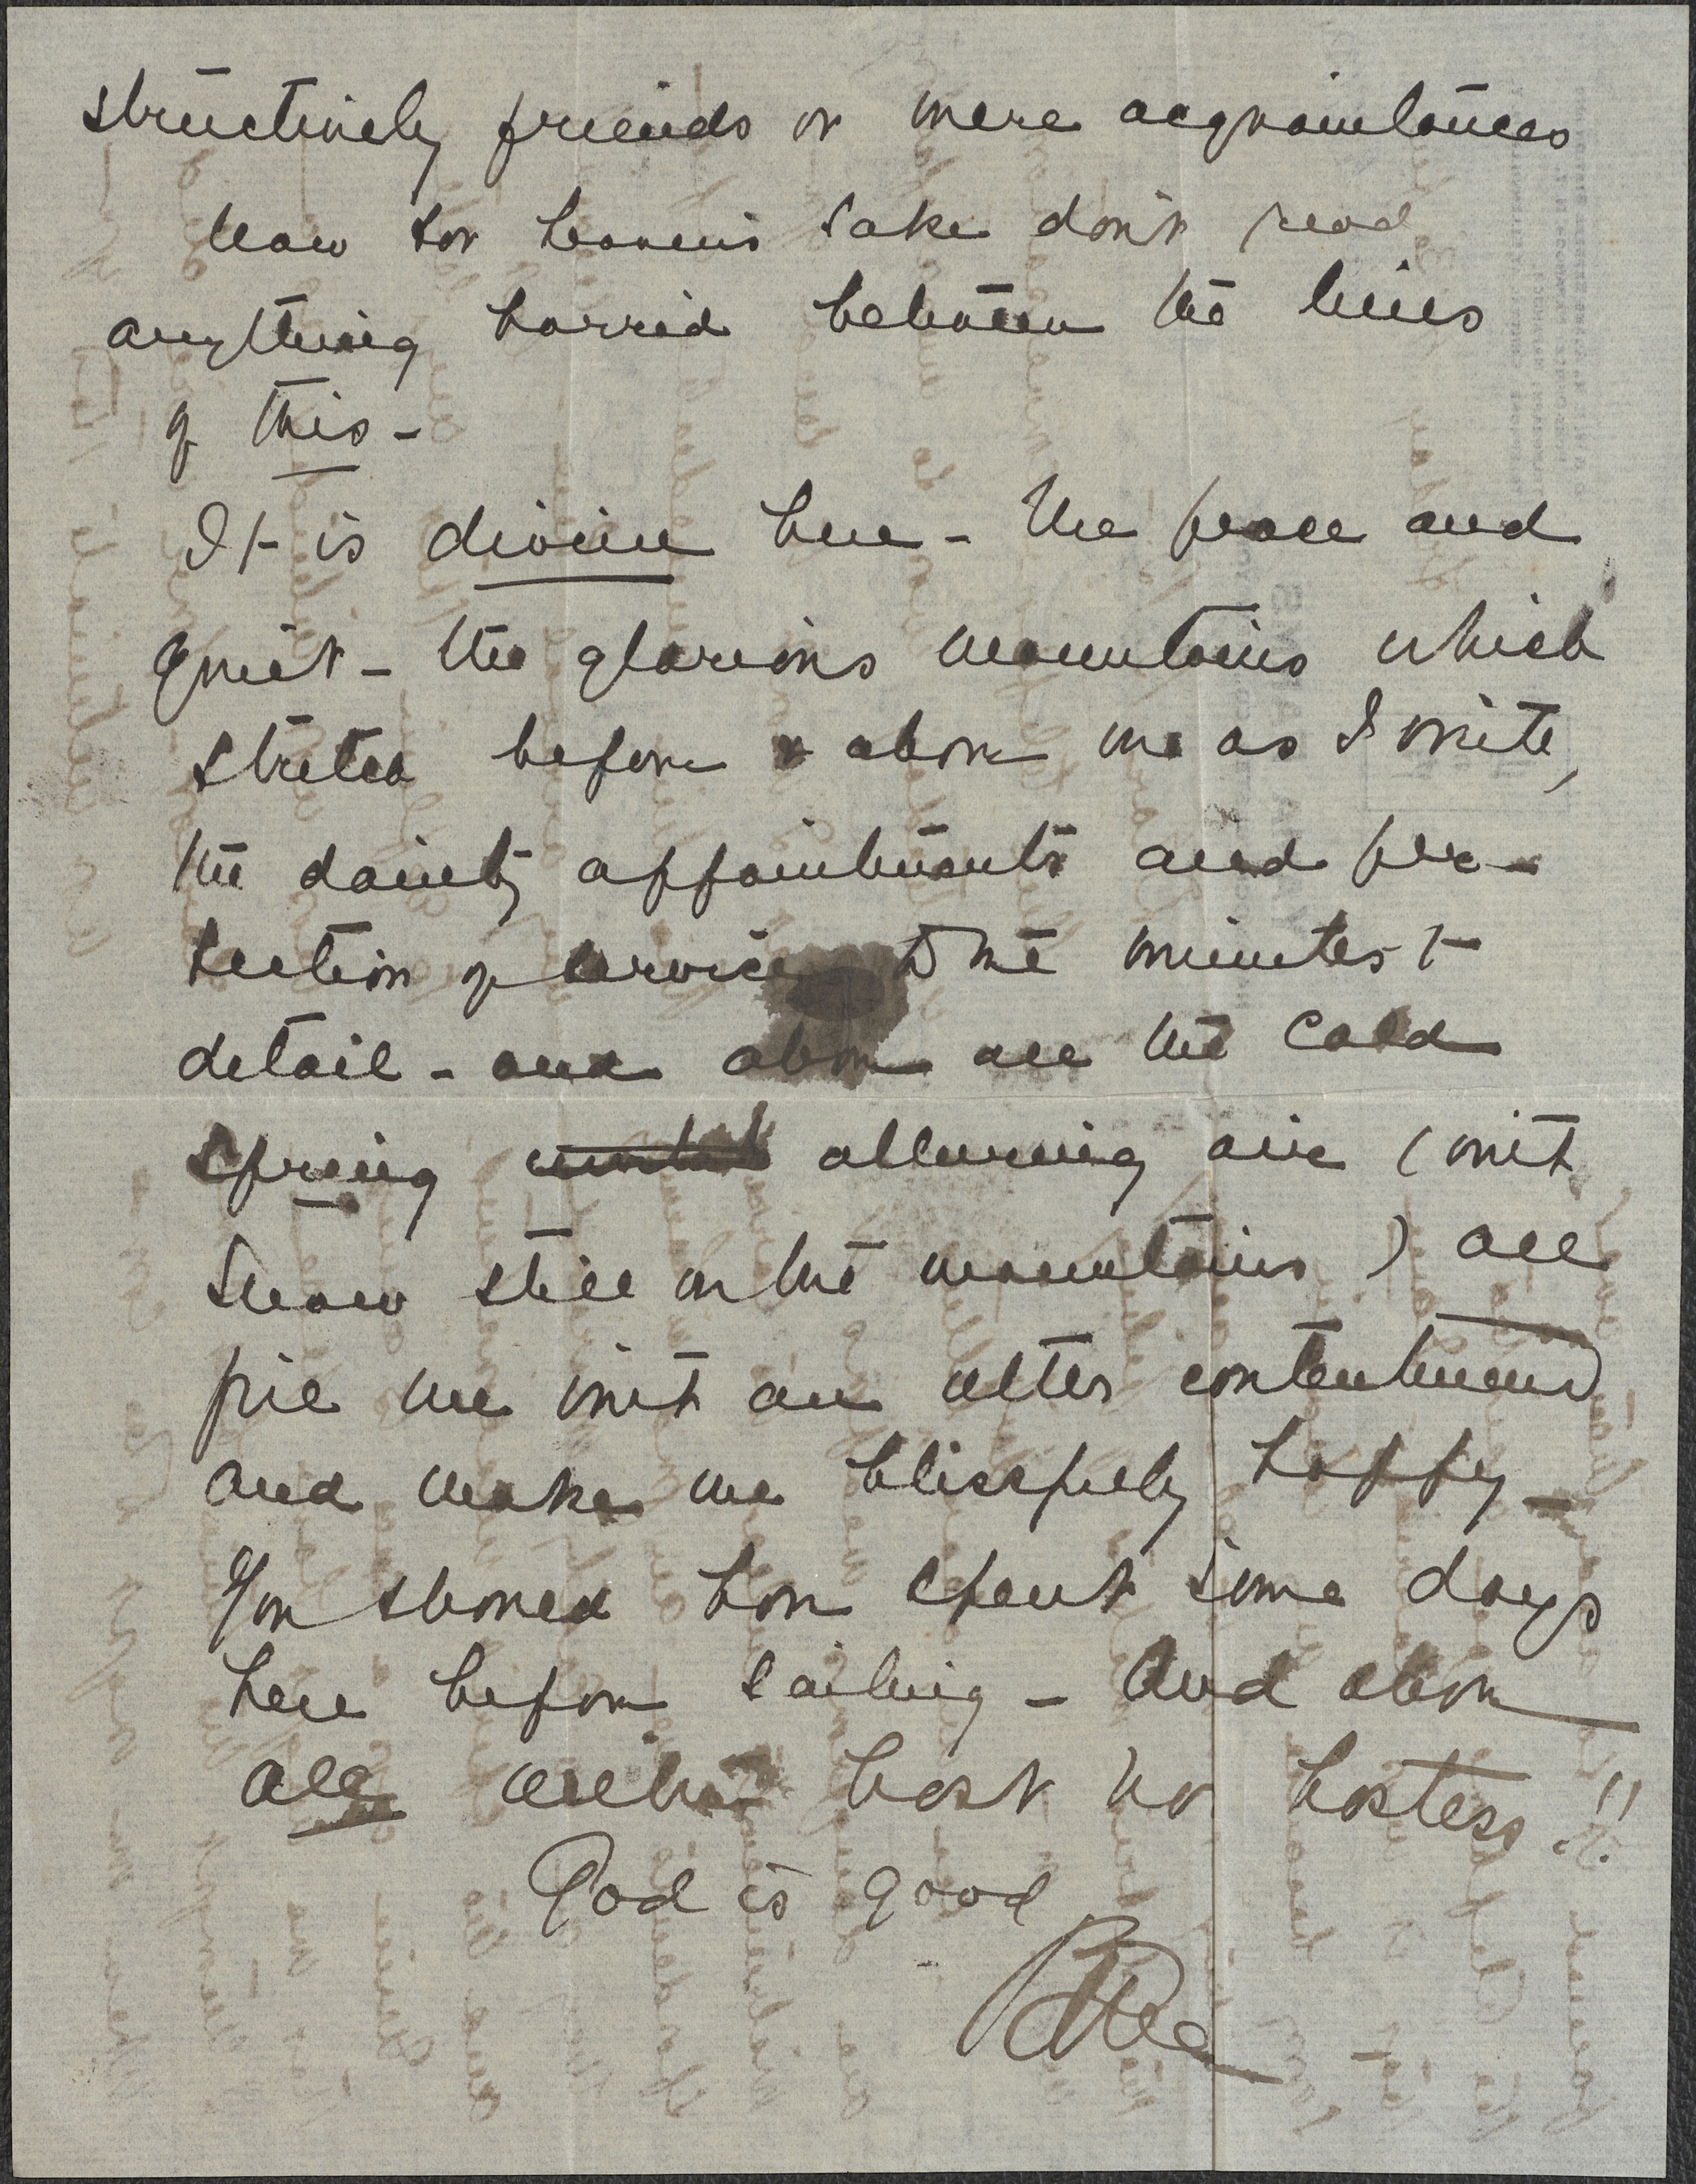friends or mere acquaintances
Now for heaven's sake don't read anything horrid between the lines of this –
It is divine here – The peace and quiet – the glorious mountains, which stretch before & above me as I write, the dainty appointments and perfection of service to the minutest detail – and above all the cold spring [illegible deletion] alluring air (with snow still on the mountains) all fill me with an utter contentment and make me blissfully happy
You should have spent some days here before sailing – And above all without host nor hostess!!
God is good
Belle